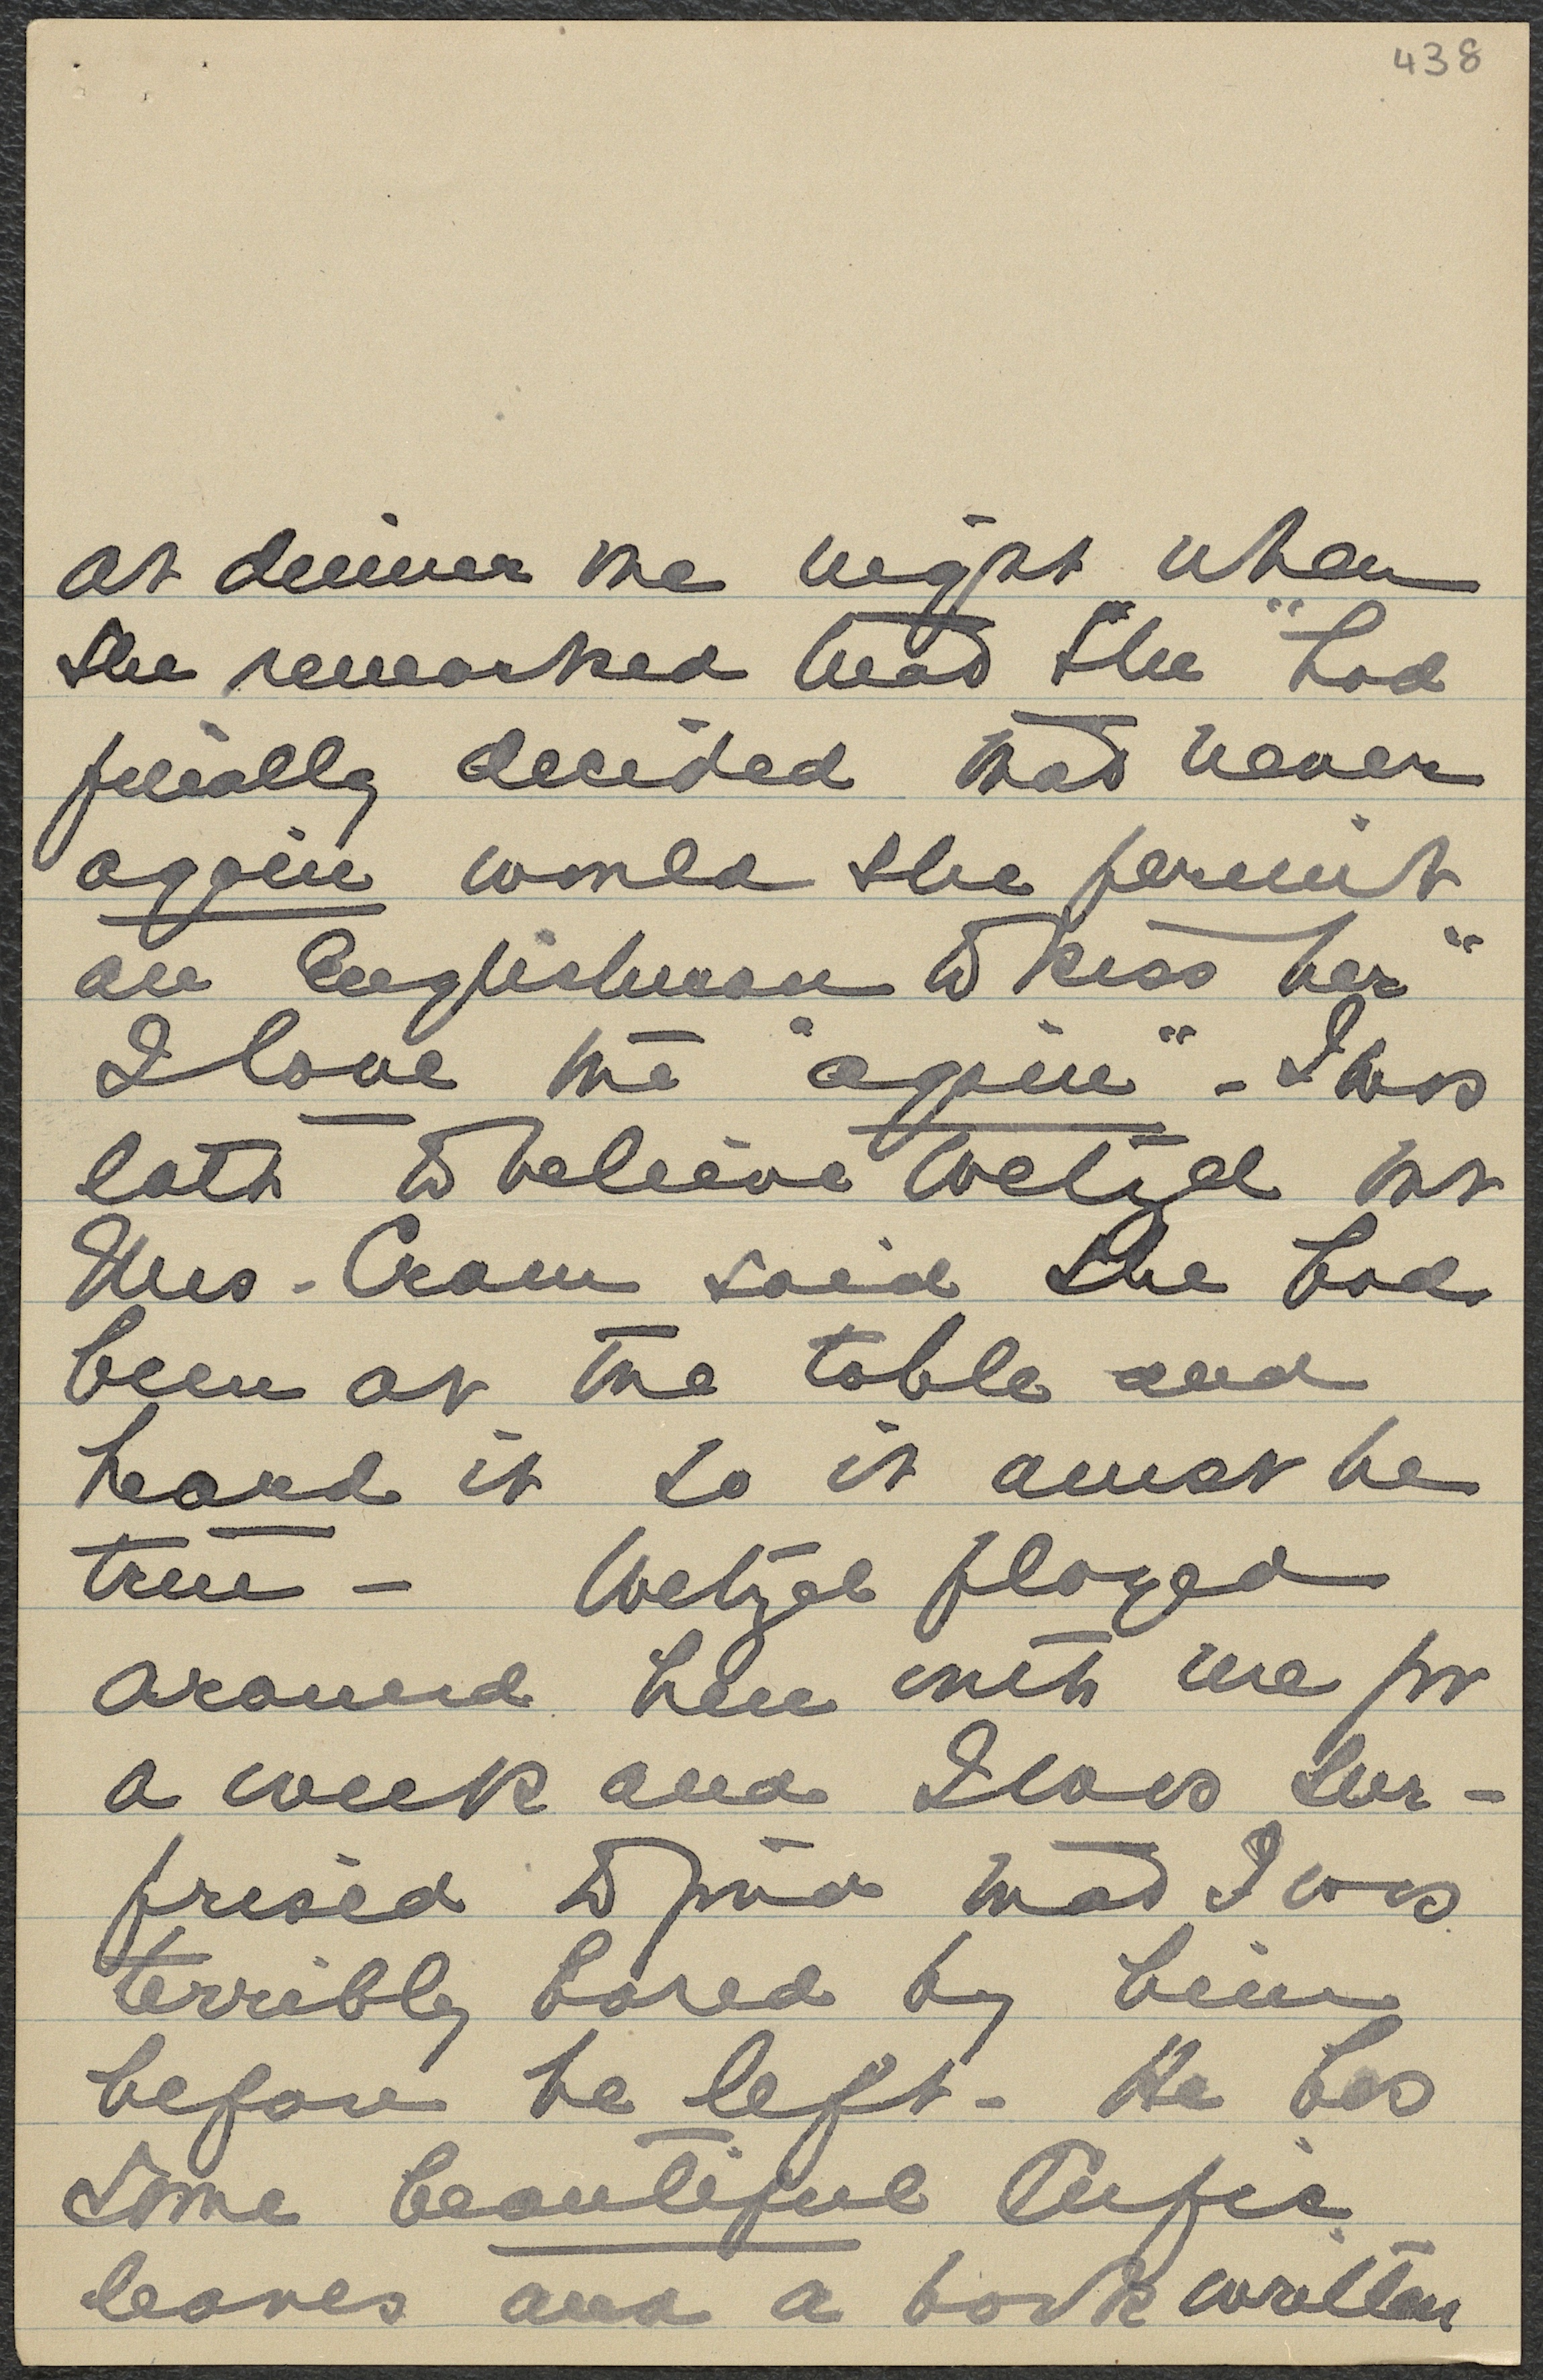at dinner one night when she remarked that she “had specially decided that never again would she permit an Englishman to kiss her” I love the “again” – I was loth [sic] to believe Wetzel but Mrs. Cram said she had been at the table and heard it so it must be true – Wetzel played around here with me for a week and I was surprised to find that I was terribly bored by him before he left. He has some beautiful Cufic leaves and a book written